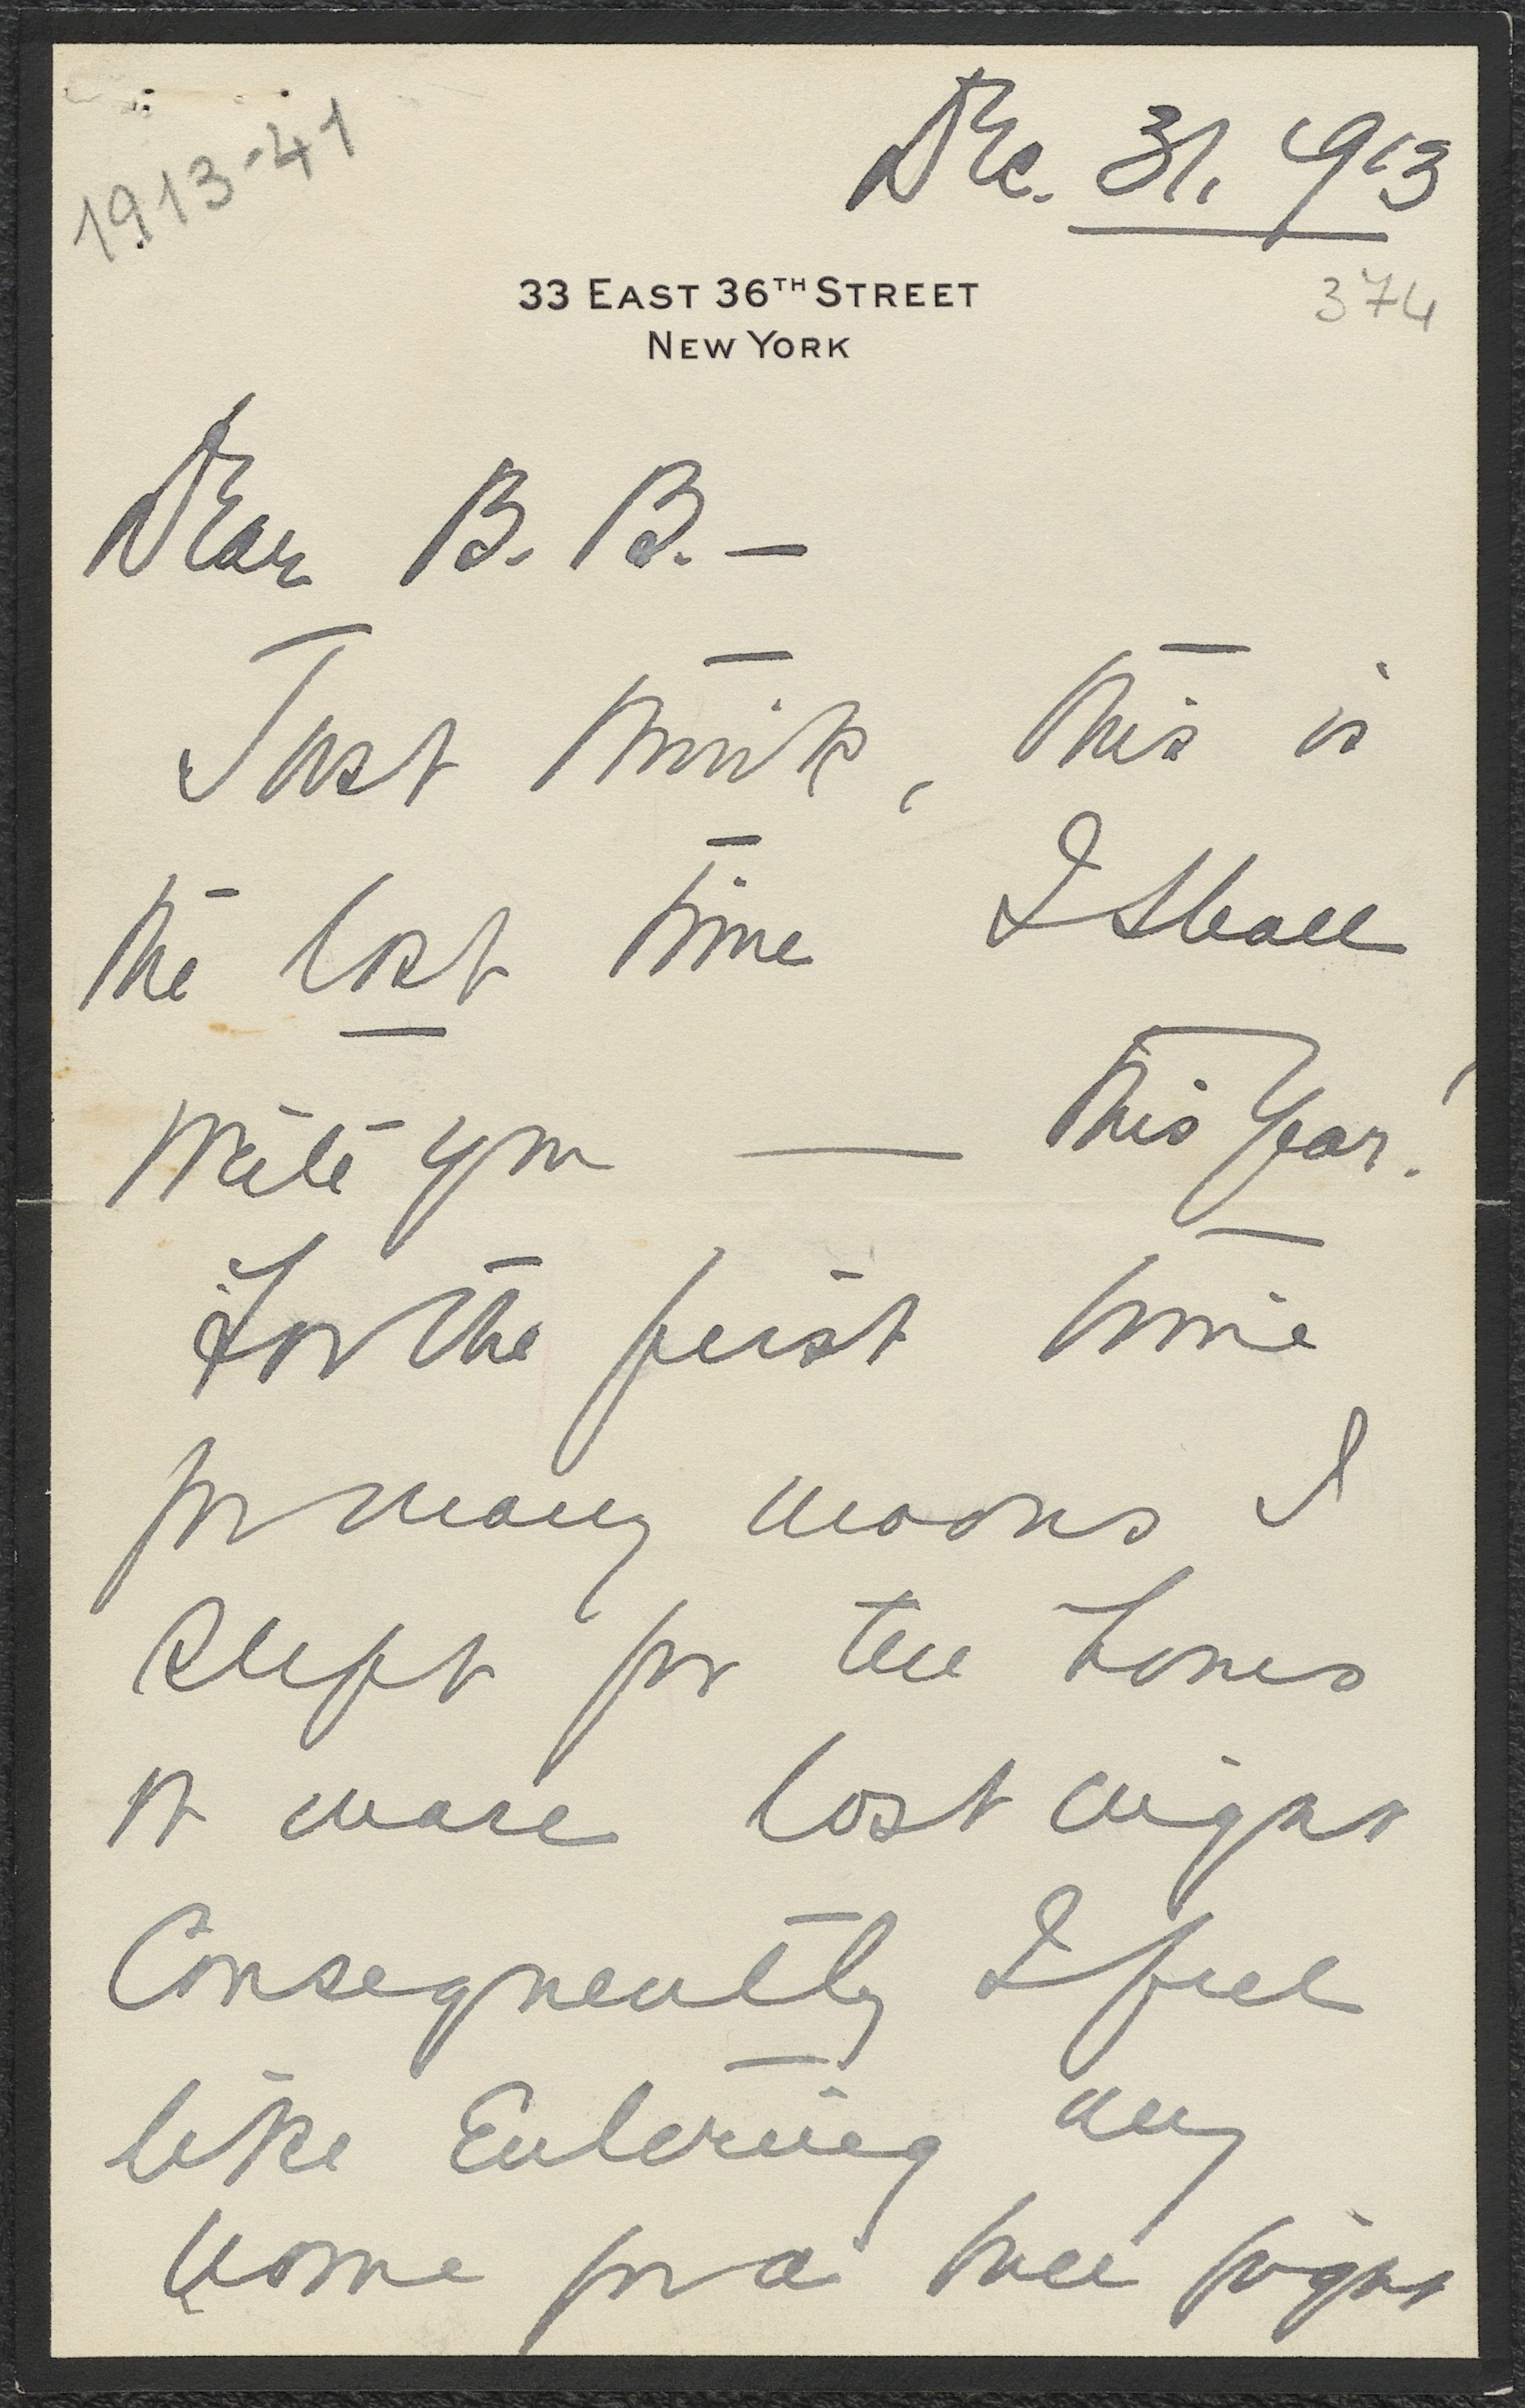Dec. 31, 1913
Dear B. B. –
Just think, this is the last time I shall write you – this year!
For the first time for many moons I slept for ten hours or more last night consequently I feel like entering my name for a bull fight